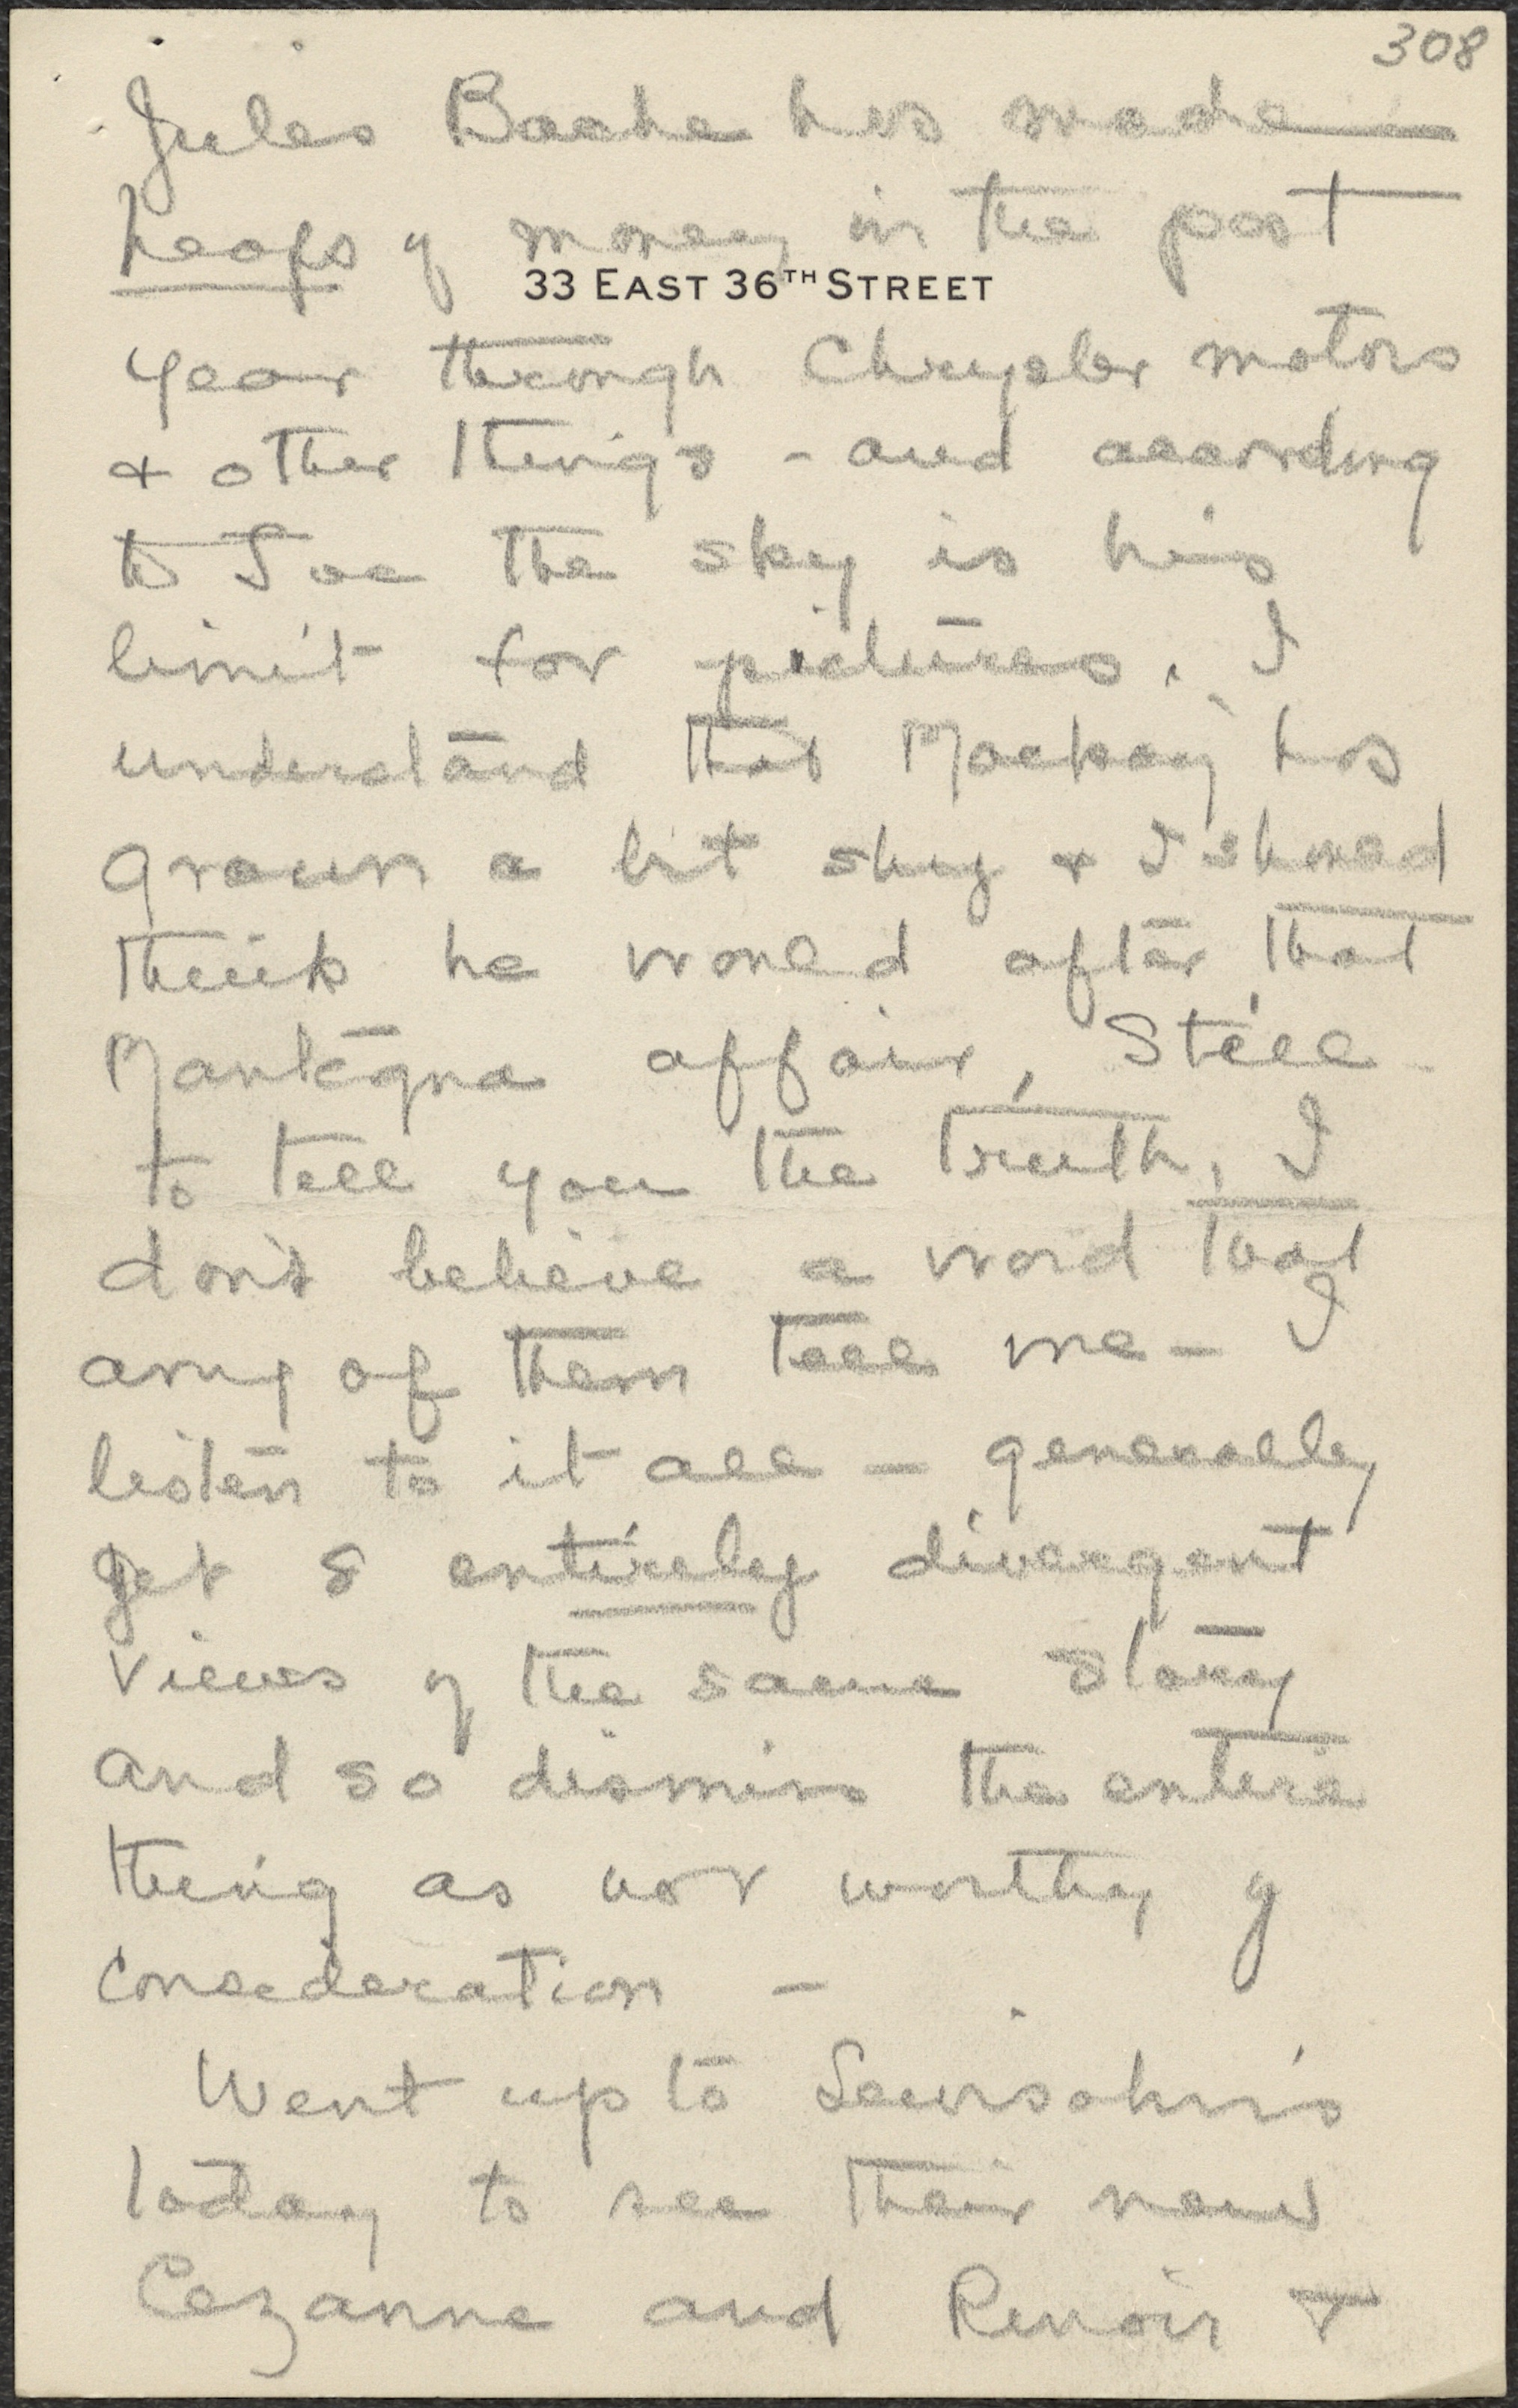Jules Bache has made heaps of money in the past year through Chrysler motors & other things – and according to Joe the sky is his limit for pictures. I understand that Mackay has grown a bit shy & I should think he would after that Mantegna affair, Still to tell you the truth, I don’t believe a word that any of them tell me – I listen to it all – generally get 8 entirely divergent views of the same story and so dismiss the entire thing as not worthy of consideration –
Went up to Lewisohn’s today to see their new Cezanne and Renoir &